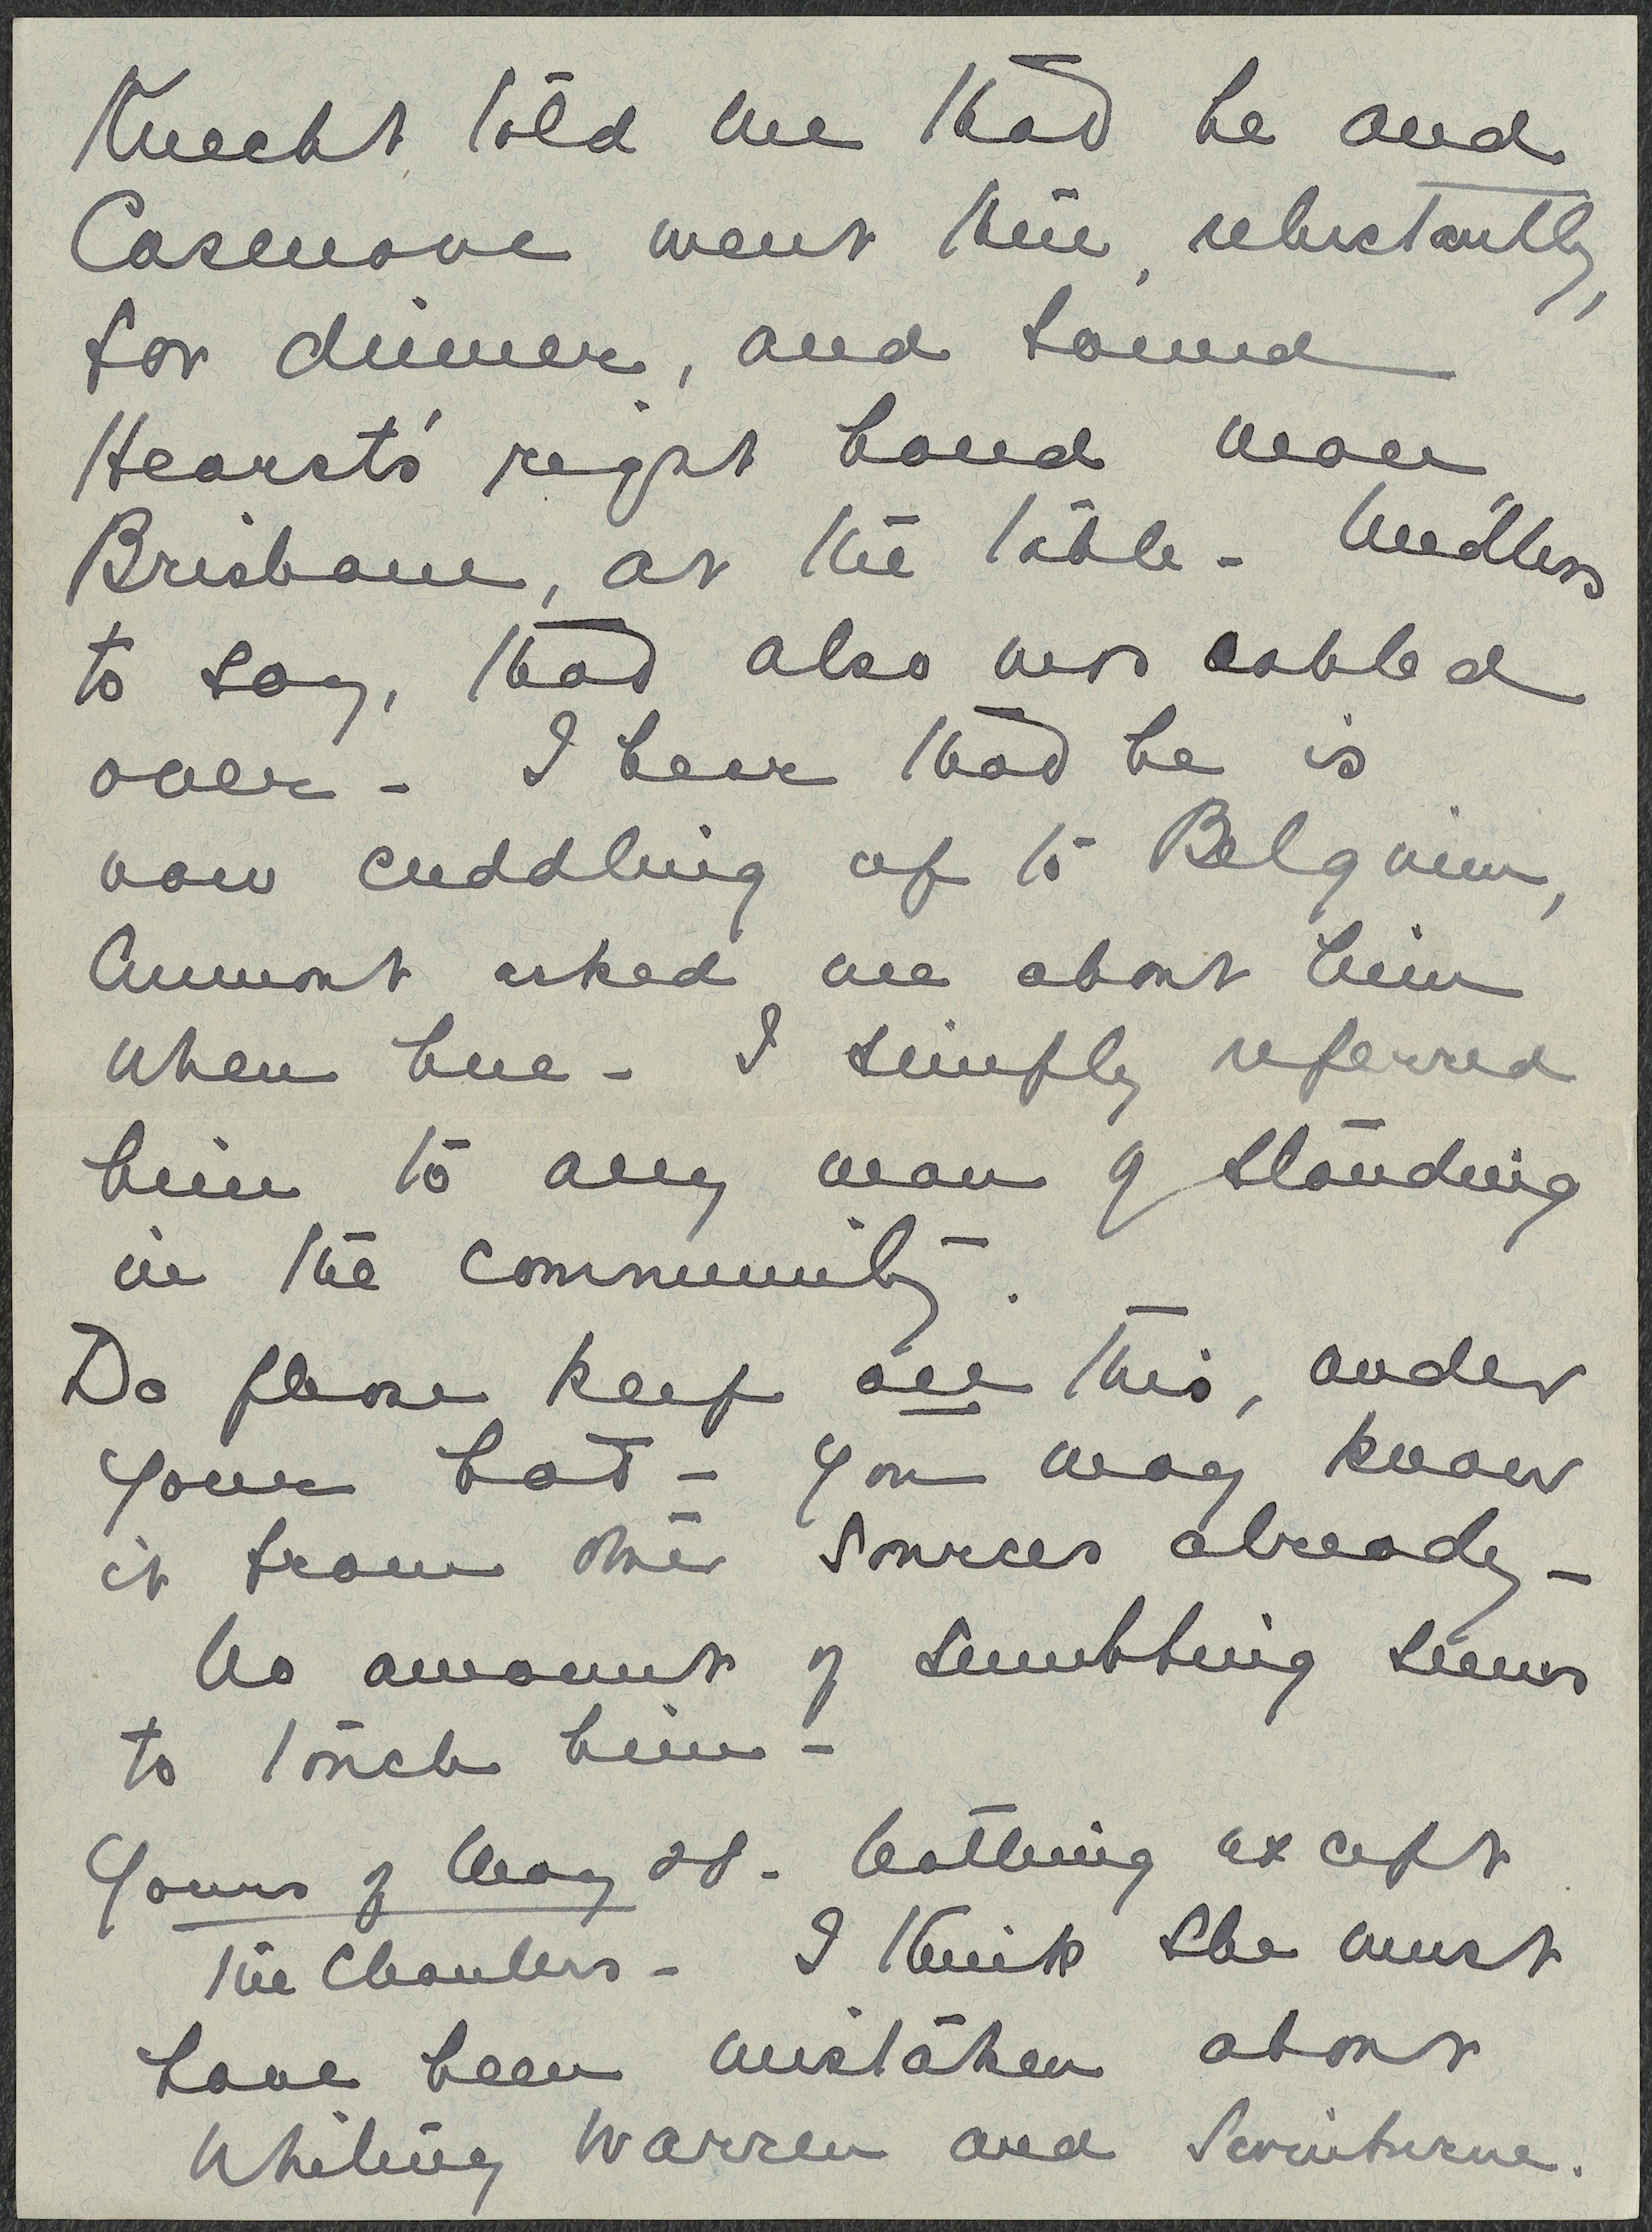Knecht told me that he and Casenove went there, reluctantly, for dinner, and found Hearst’s right hand man Brisbane, at the table – Needless to say, that also was cabled over – I hear that he is now cuddling up to Belgium, Omont asked me about him when here – I simply referred him to any man of standing in the community.
Do please keep all this, under your hat – you may know it from other sources already – No amount of snubbing seems to touch him –
Yours of May 28 – Nothing except the Chanlers – I think she must have been mistaken about Whitney Warren and Swinburne.